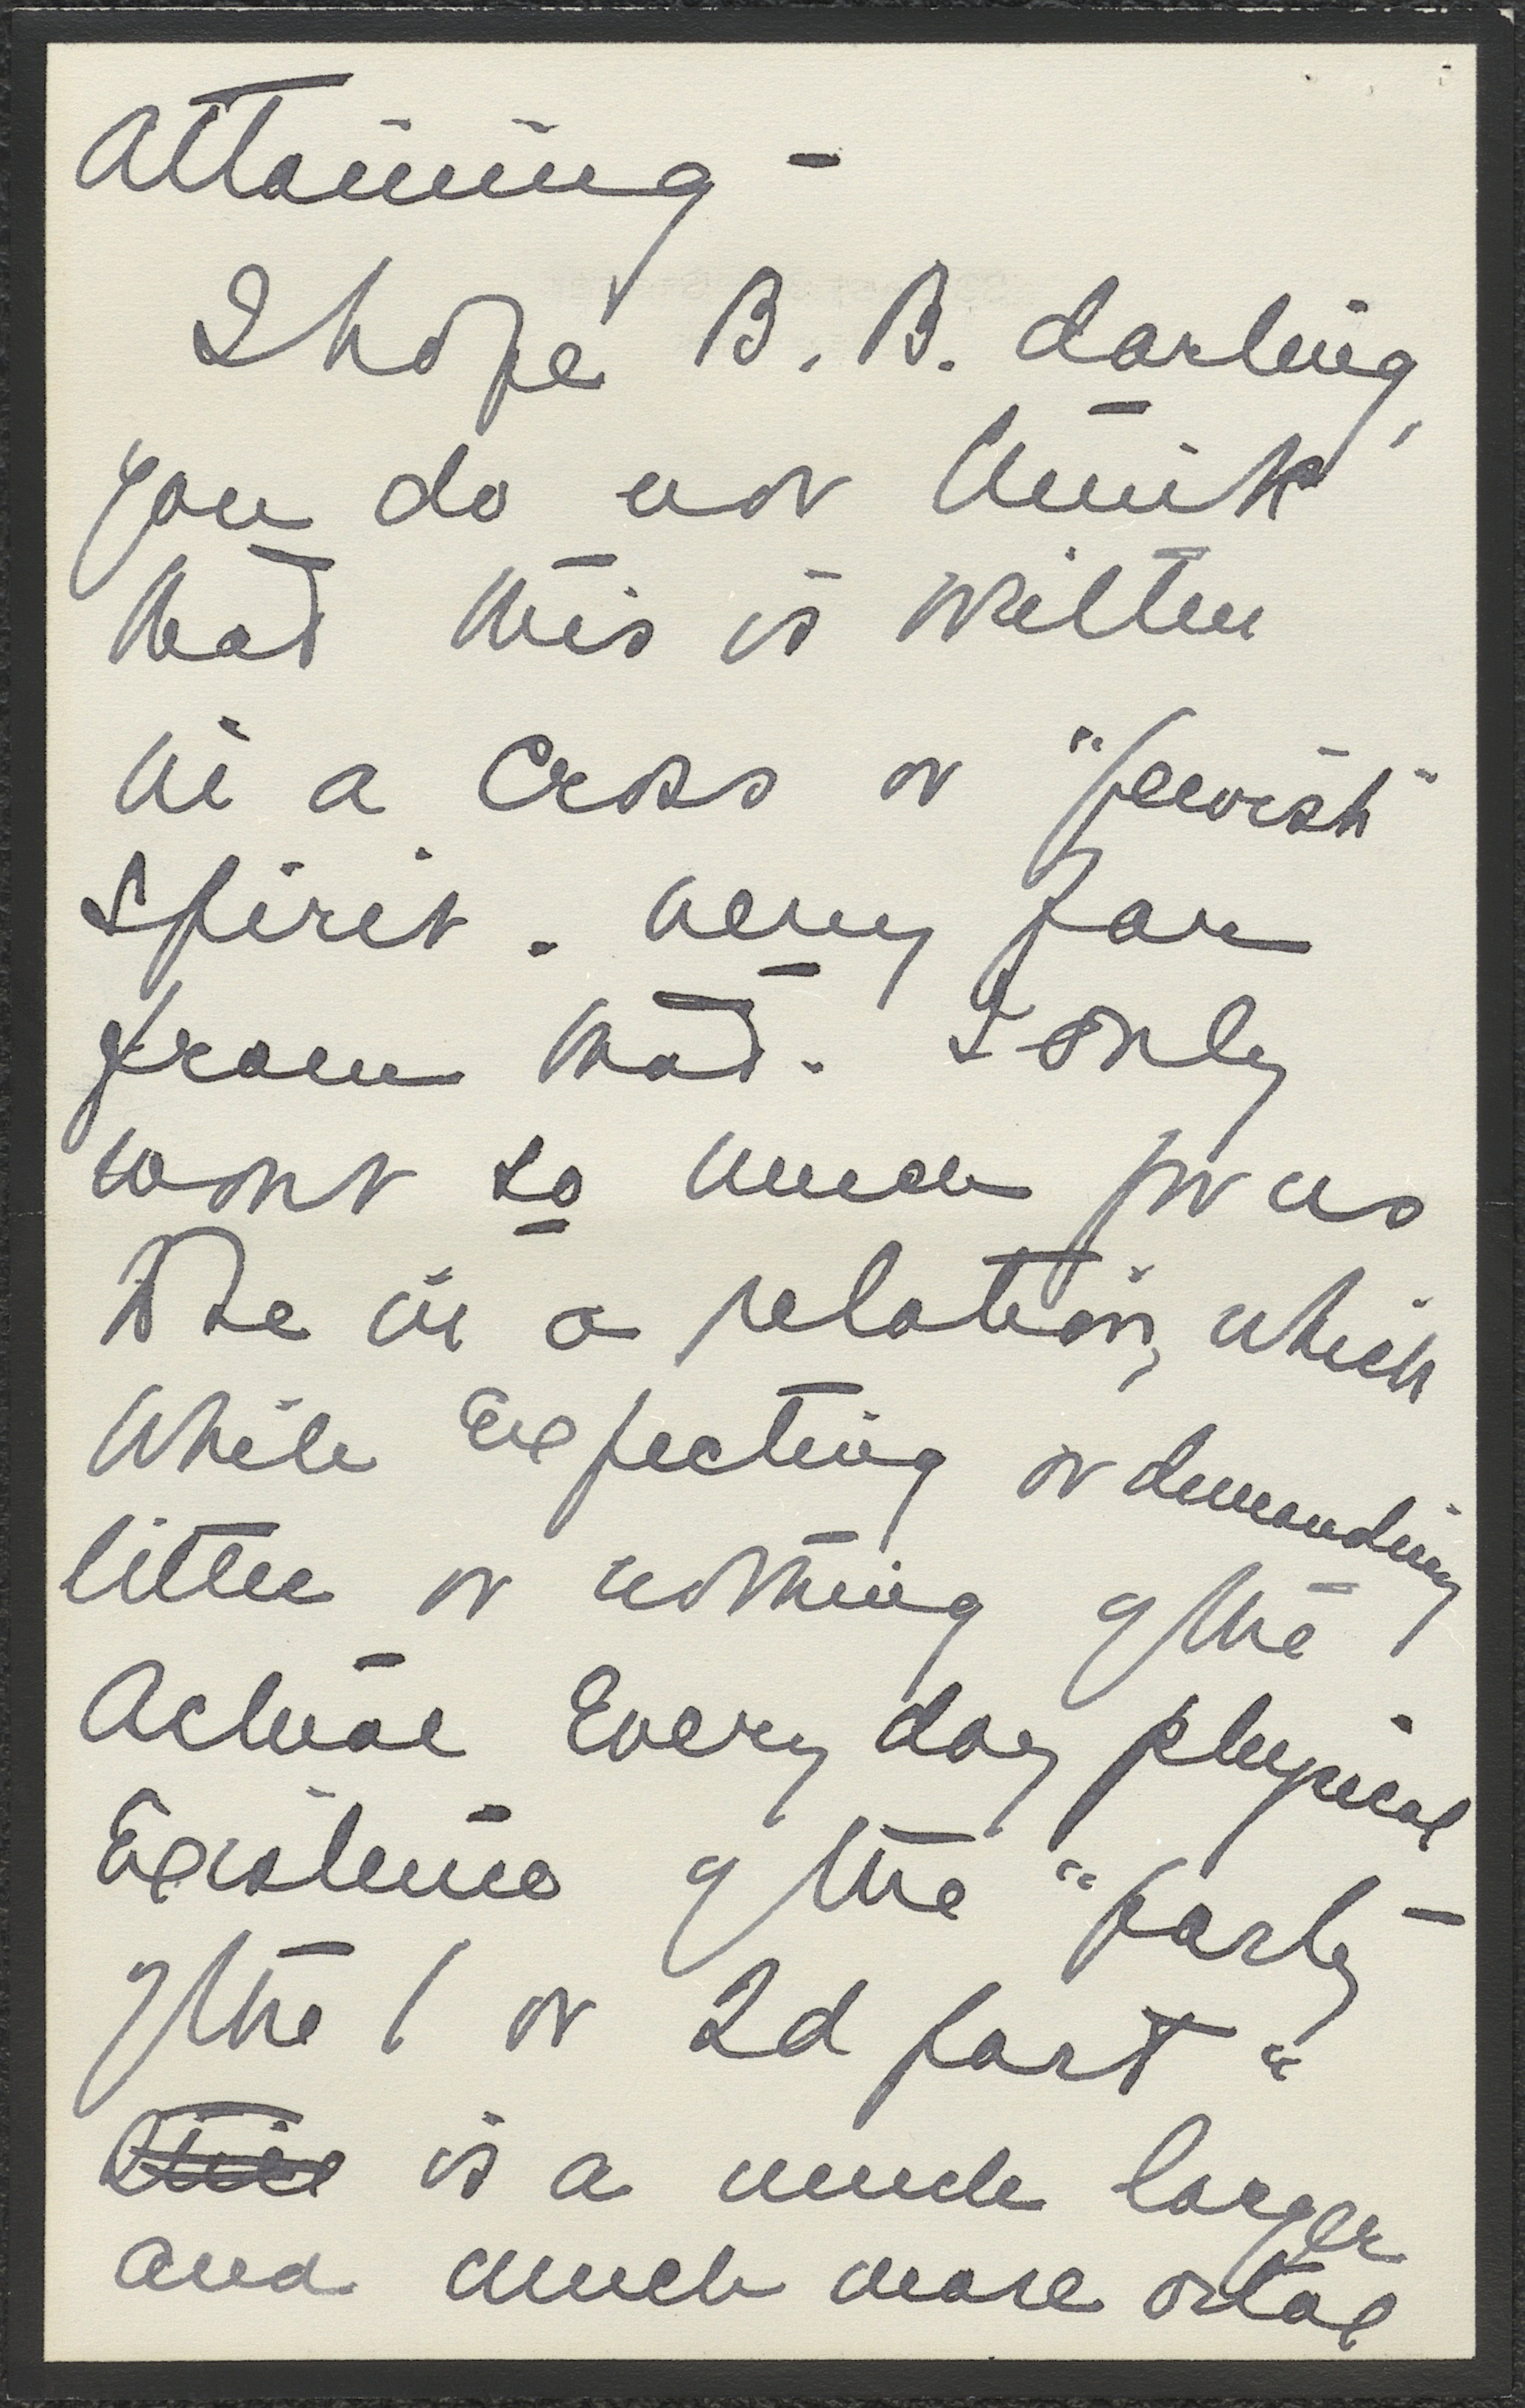attaining –
I hope B. B. darling, you do not think that this is written in a cross or “peevish” spirit – very far from that. I only want so much for us to be in a relation, which while expecting or demanding little or nothing of the actual every day physical existence of the “party of the 1 of 2d part” still is a much larger and much more vital